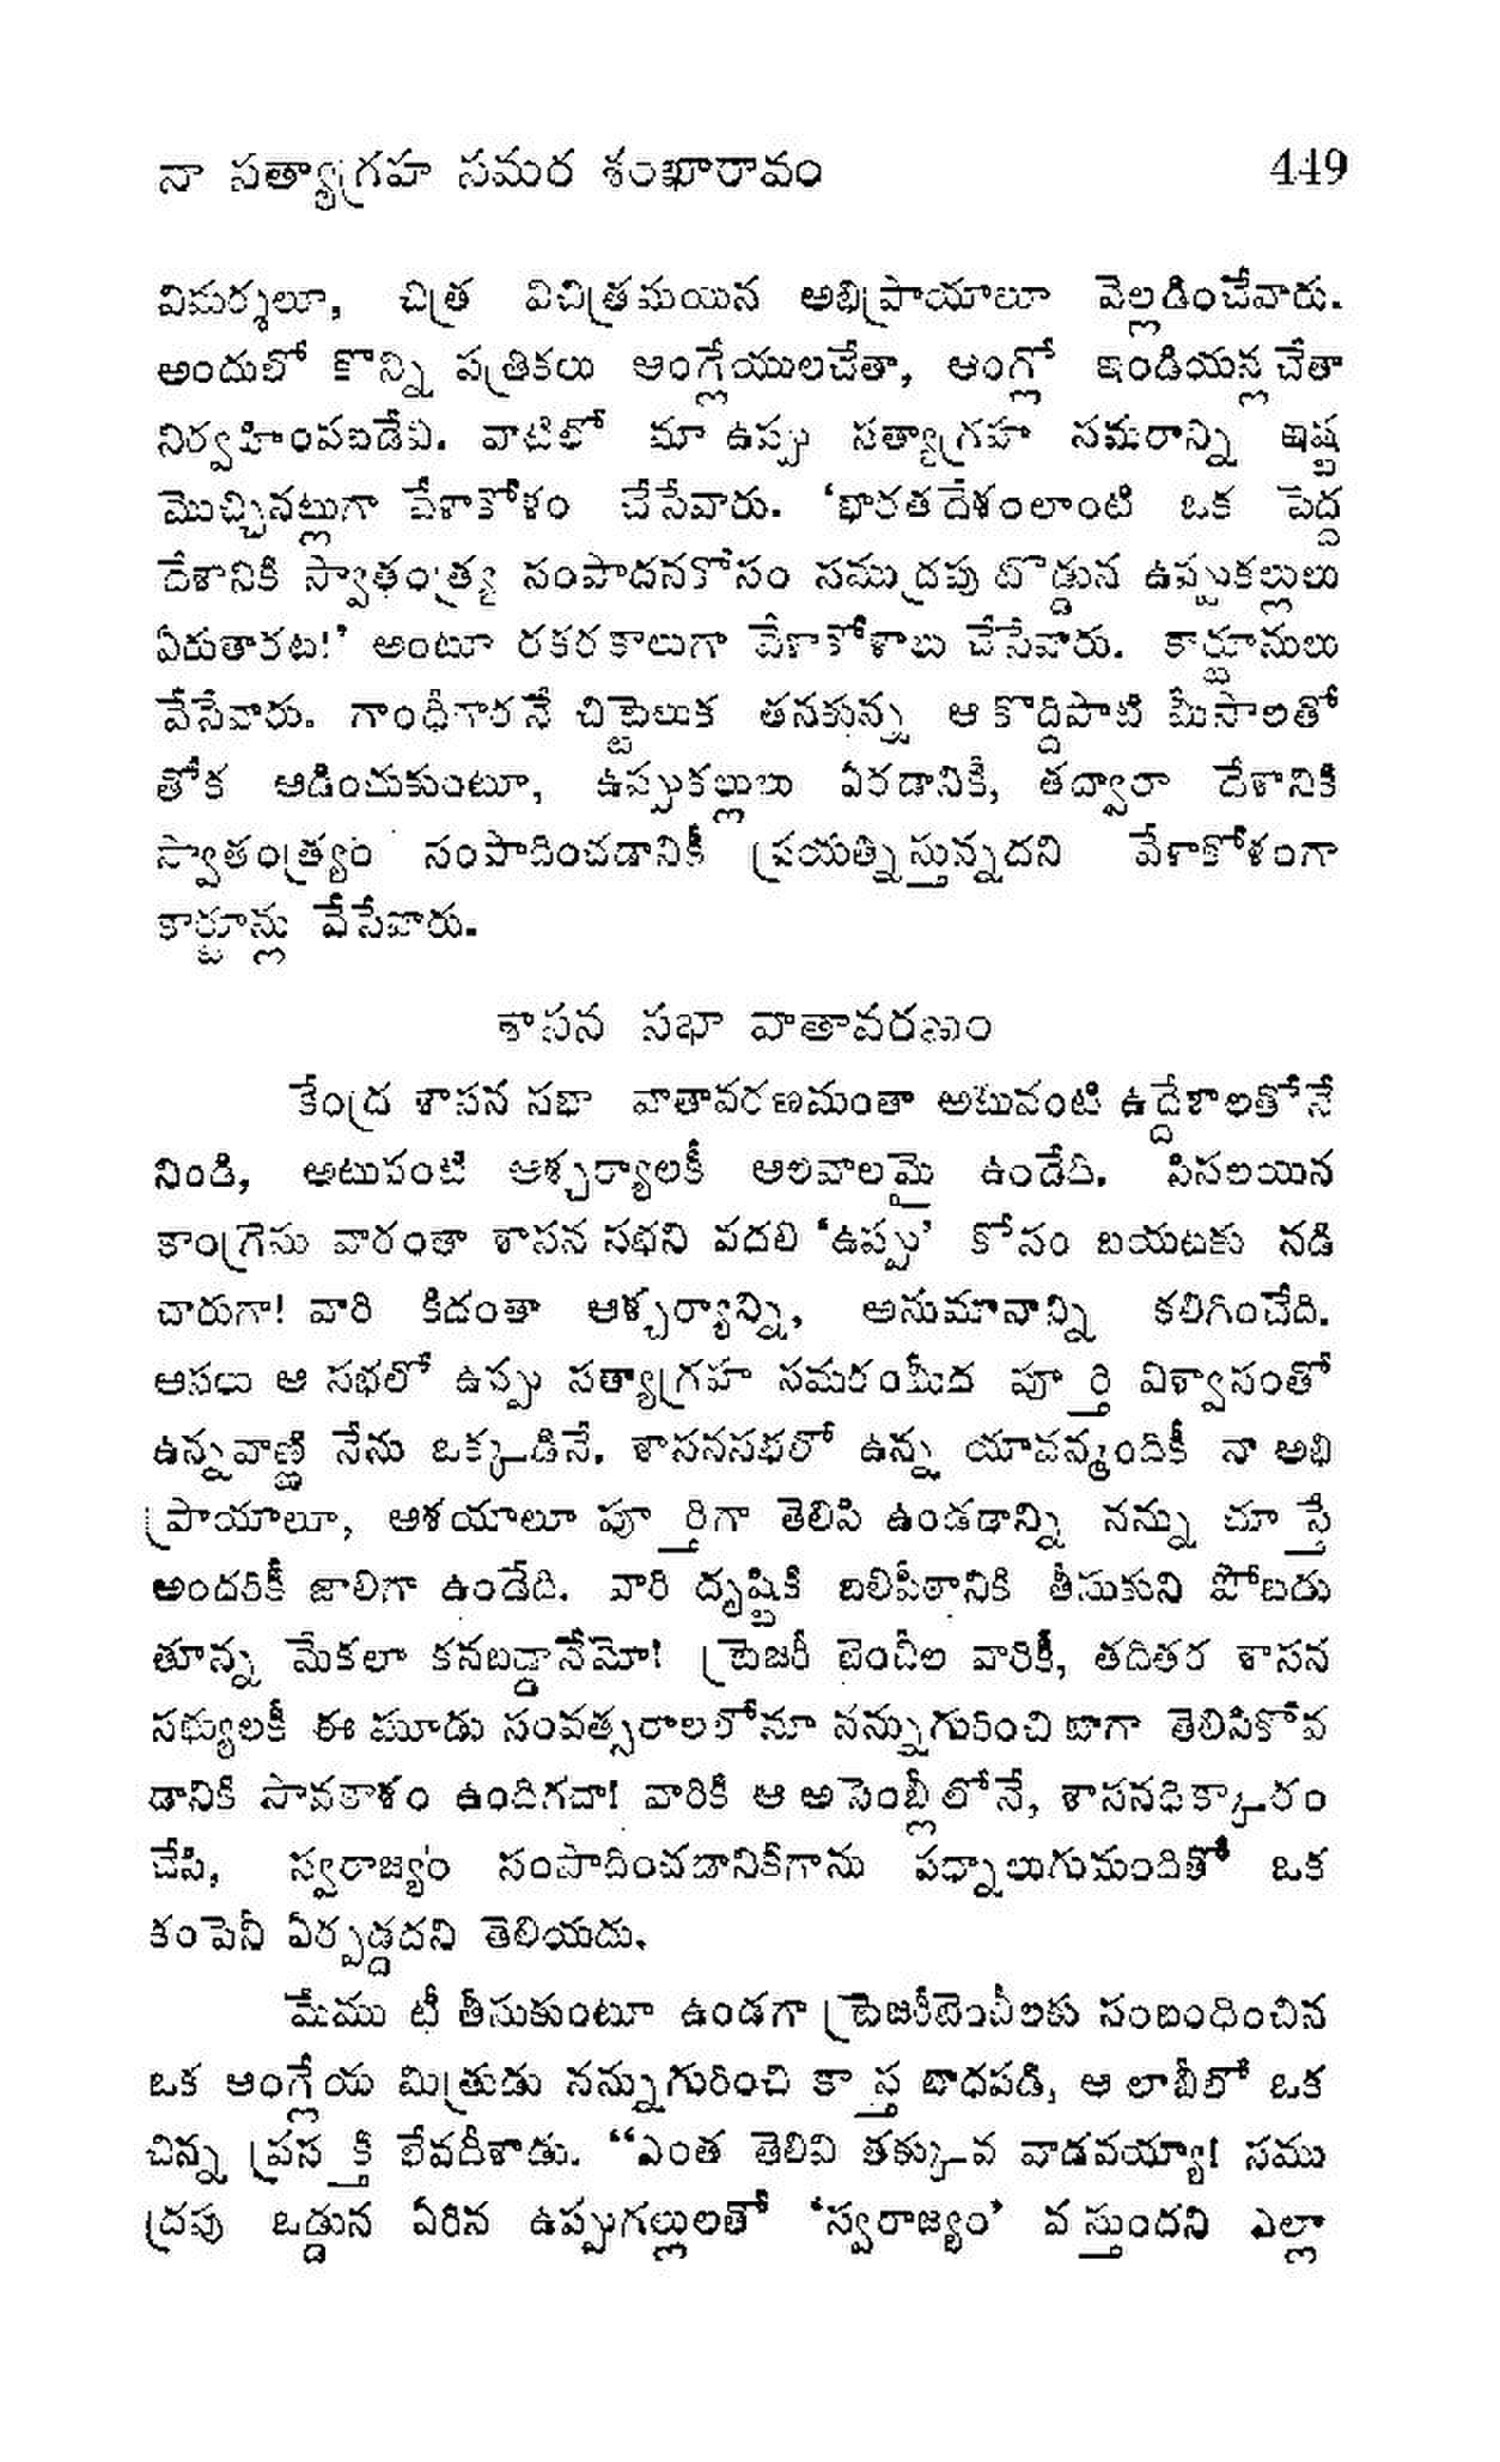విమర్శలూ, చిత్ర విచిత్రమయిన అభిప్రాయాలూ వెల్లడించేవారు. అందులో కొన్ని పత్రికలు ఆంగ్లేయులచేతా, ఆంగ్లో ఇండియన్లచేతా నిర్వహింపబడేవి. వాటిలో మా ఉప్పు సత్యాగ్రహ సమరాన్ని ఇష్టమొచ్చినట్లుగా వేళాకోళం చేసేవారు. 'భారతదేశంలాంటి ఒక పెద్ద దేశానికి స్వాతంత్ర్య సంపాదనకోసం సముద్రపు టొడ్డున ఉప్పుకల్లులు ఏరుతారట!" అంటూ రకరకాలుగా వేళాకోళాలు చేసేవారు. కార్టూనులు వేసేవారు. గాంధీగారనే చిట్టెలుక తనకున్న ఆ కొద్దిపాటి మీసాలతో తోక ఆడించుకుంటూ, ఉప్పుకల్లులు ఏరడానికి, తద్వారా దేశానికి స్వాతంత్ర్యం సంపాదించడానికీ ప్రయత్నిస్తున్నదని వేళాకోళంగా కార్టూన్లు వేసేవారు.

కేంద్ర శాసన సభా వాతావరణమంతా అటువంటి ఉద్దేశాలతోనే నిండి, అటువంటి ఆశ్చర్యాలకీ ఆలవాలమై ఉండేది. సిసలయిన కాంగ్రెసు వారంతా శాసన సభని వదలి 'ఉప్పు' కోసం బయటకు నడిచారుగా! వారి కిదంతా ఆశ్చర్యాన్ని, అనుమానాన్ని కలిగించేది. అసలు ఆ సభలో ఉప్పు సత్యాగ్రహ సమరంమీద పూర్తి విశ్వాసంతో ఉన్నవాణ్ణి నేను ఒక్కడినే. శాసనసభలో ఉన్న యావన్మందికీ నా అభిప్రాయలూ, ఆశయాలూ పూర్తిగా తెలిపి ఉండడాన్ని నన్ను చూస్తే అందరికీ జాలిగా ఉండేది. వారి దృష్టికి బలిపీఠానికి తీసుకుని పోబడుతూన్న మేకలా కనబడ్డానేమో! ట్రెజరీ బెంచీల వారికీ, తదితర శాసన సభ్యులకీ ఈ మూడు సంవత్సరాలలోనూ నన్నుగురించి బాగా తెలిసికోవడానికి సావకాశం ఉందిగదా! వారికి ఆ అసెంబ్లీలోనే, శాసనధిక్కారంచేసి, స్వరాజ్యం సంపాదించడానికిగాను పధ్నాలుగుమందితో ఒక కంపెనీ ఏర్పడ్డదని తెలియదు.

మేము టీ తీసుకుంటూ ఉండగా ట్రెజరీబెంచీలకు సంబంధించిన ఒక ఆంగ్లేయ మిత్రుడు నన్నుగురించి కాస్త బాధపడి, ఆ లాబీలో ఒక చిన్న ప్రసక్తి లేవదీశాడు. "ఎంత తెలివి తక్కువ వాడవయ్యా! సముద్రపు ఒడ్డున ఏరిన ఉప్పుగల్లులతో 'స్వరాజ్యం' వస్తుందని ఎల్లా